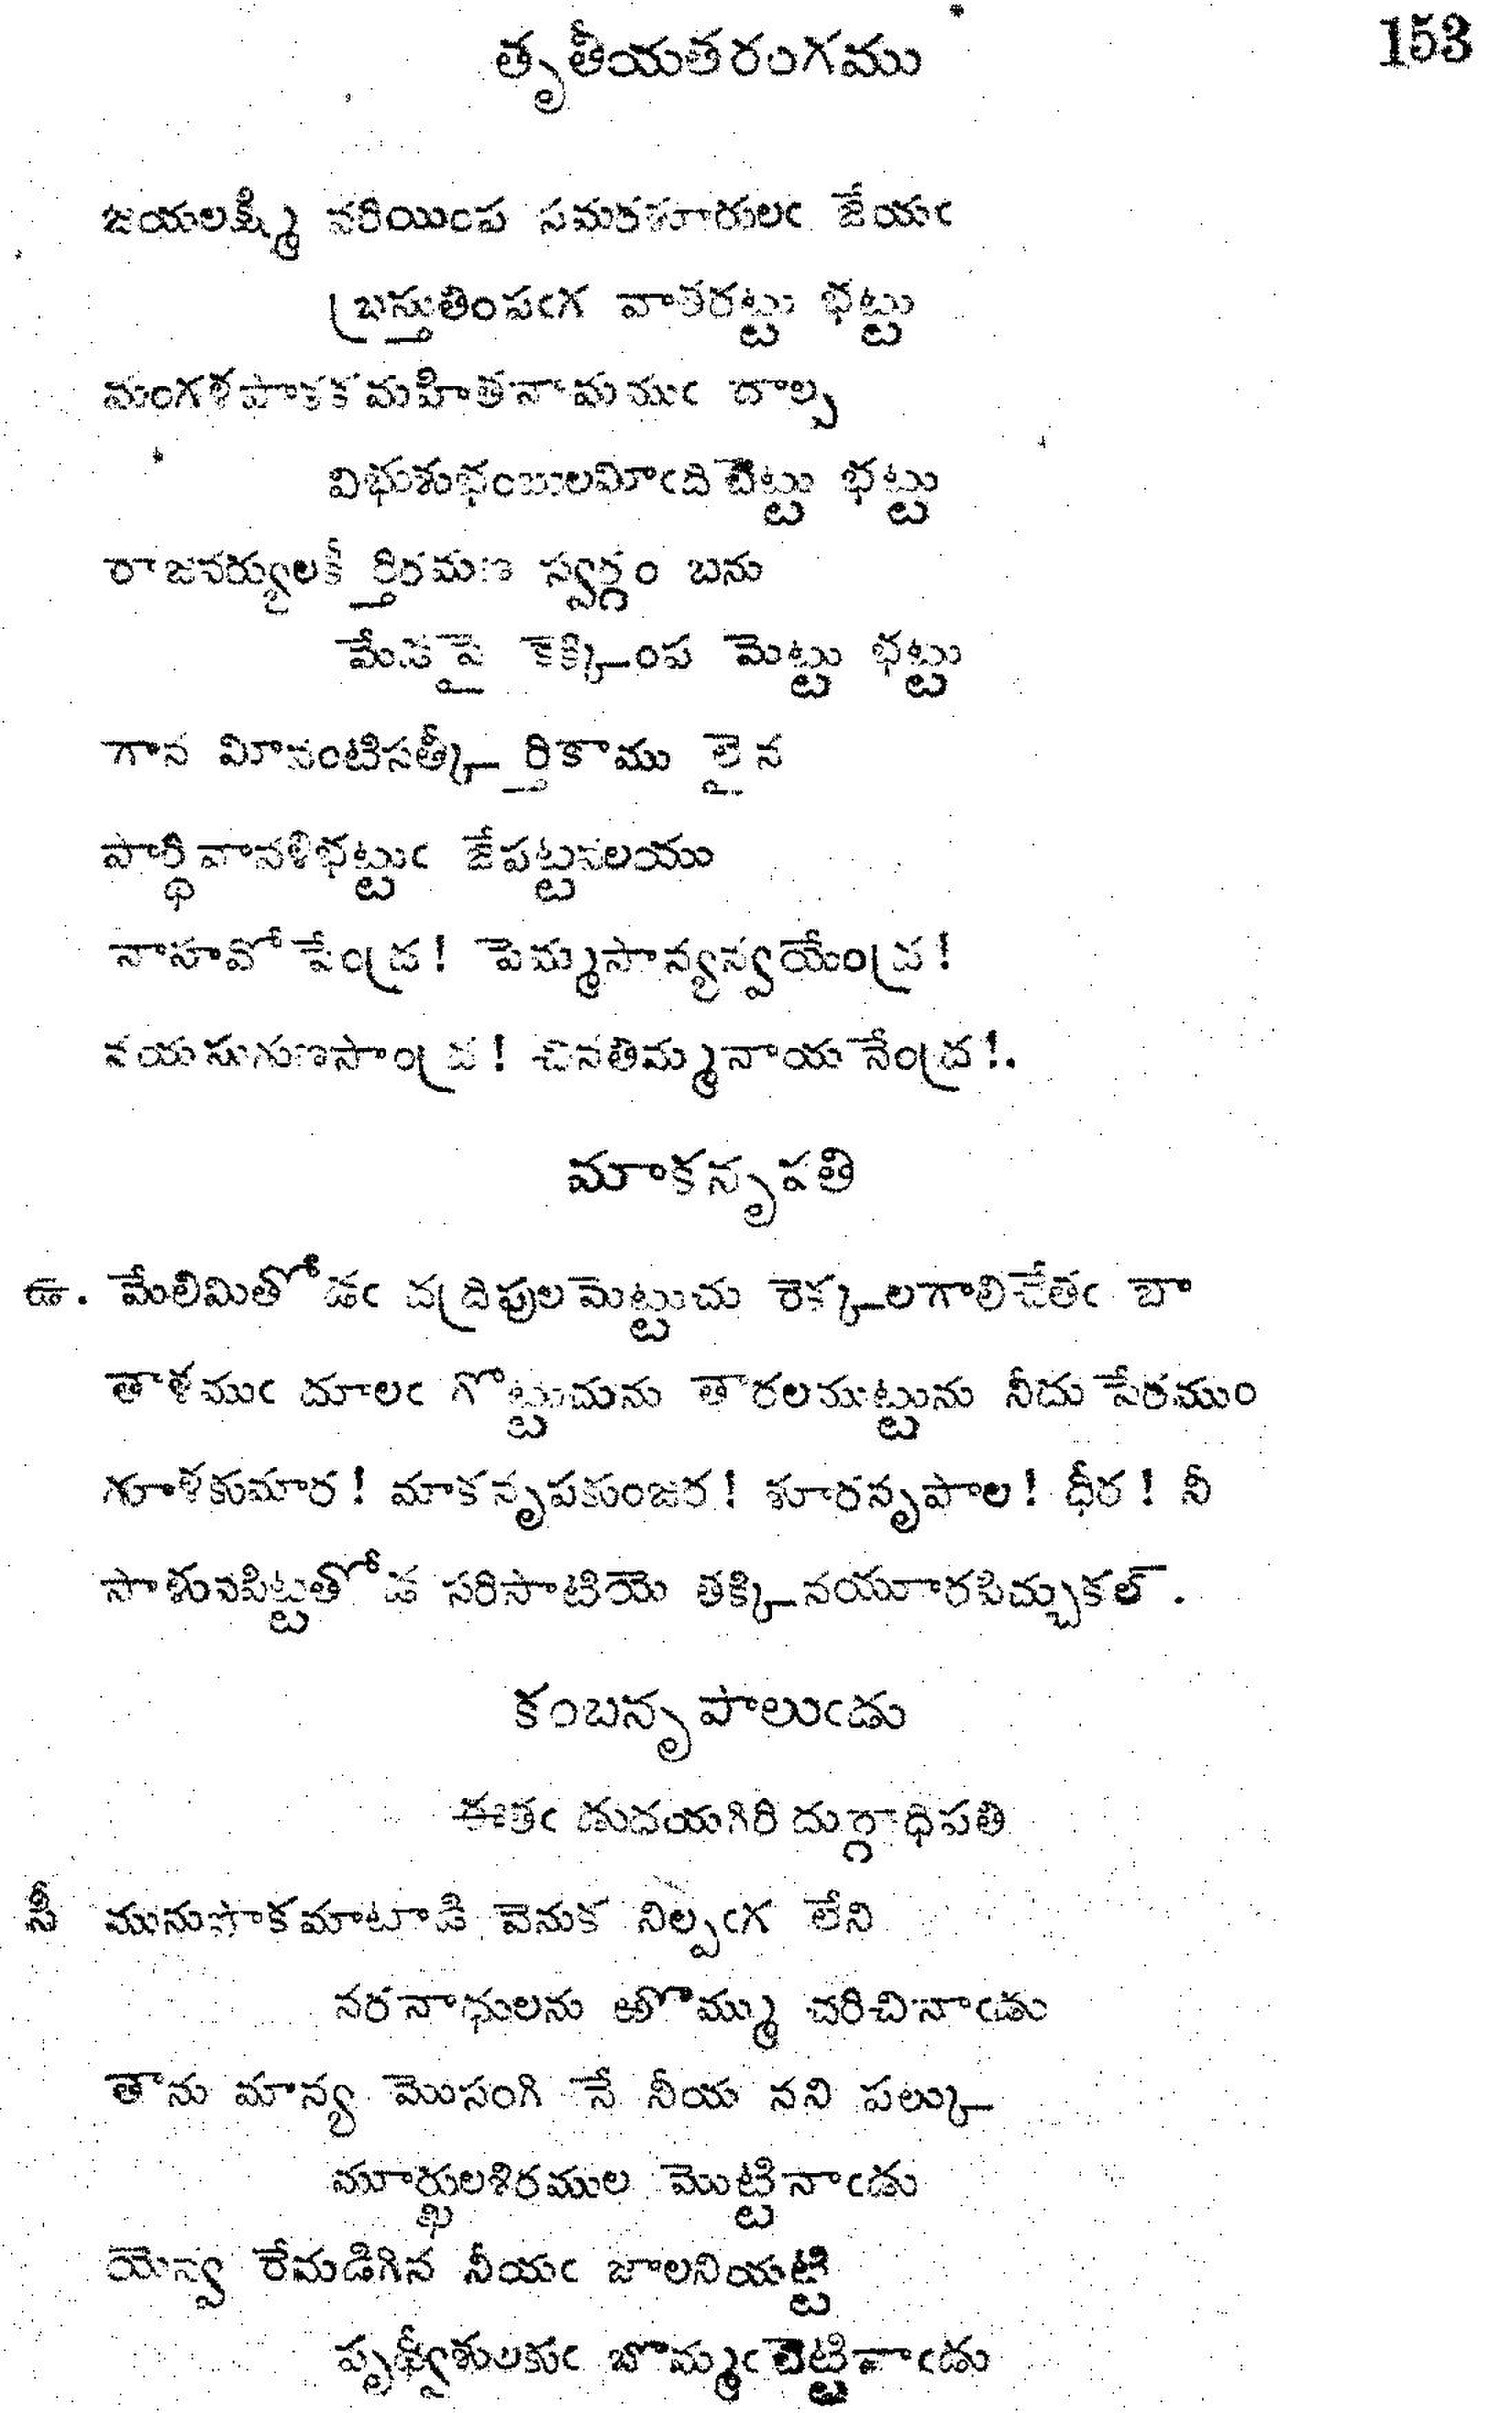జయలక్ష్మి వరియింప సమరశూరలఁ జేయఁ
 బ్రస్తుతింపఁగ వాతరట్టు భట్టు
 మంగళపాఠకమహితనామముఁ దాల్ప
 విభుశుభంబులమీఁది బెట్టు భట్టు
 రాజవర్యులకీర్తిరమణ స్వర్గం బను
 మేడపై కెక్కింప మెట్టు భట్టు
 గాన మీవంటిసత్కీర్తికాము లైన
 పార్థివావళిభట్టుఁ జేపట్టవలయు
 నాహవోపేంద్ర! పెమ్మసాన్యన్వయేంద్ర!
 నయసుగుణాంద్ర! చినతిమ్మనాయనేంద్ర!

ఉ. మేలిమితోడఁ దద్రిపుల మెట్టుచు రెక్కలగాలిచేతఁ బా
 తాళముఁ దూలఁ గొట్టుచును తారలముట్టును నీదు పేరముం
 గూళకుమార! మాకనృపకుంజర! శూరనృపాల! ధీర! నీ
 సాళువపిట్టతోడ సరిసాటియె తక్కినయూరపిచ్చుకల్.

ఈతఁ డుదయగిరి దుర్గాధిపతి

సీ. మును పొకమాటాడి వెనుక నిల్పఁగ లేని
 నరనాథులను ఱొమ్ము చరిచినాఁడు
 తాను మాన్య మొసంగి నే నీయ నని పల్కు
 మూర్ఖులశిరముల మొట్టినాఁడు
 యెవ్వ రేమడిగిన నీయఁ జాలనియట్టి
 పృథ్వీశులకుఁ బొమ్మఁబెట్టినాఁడు